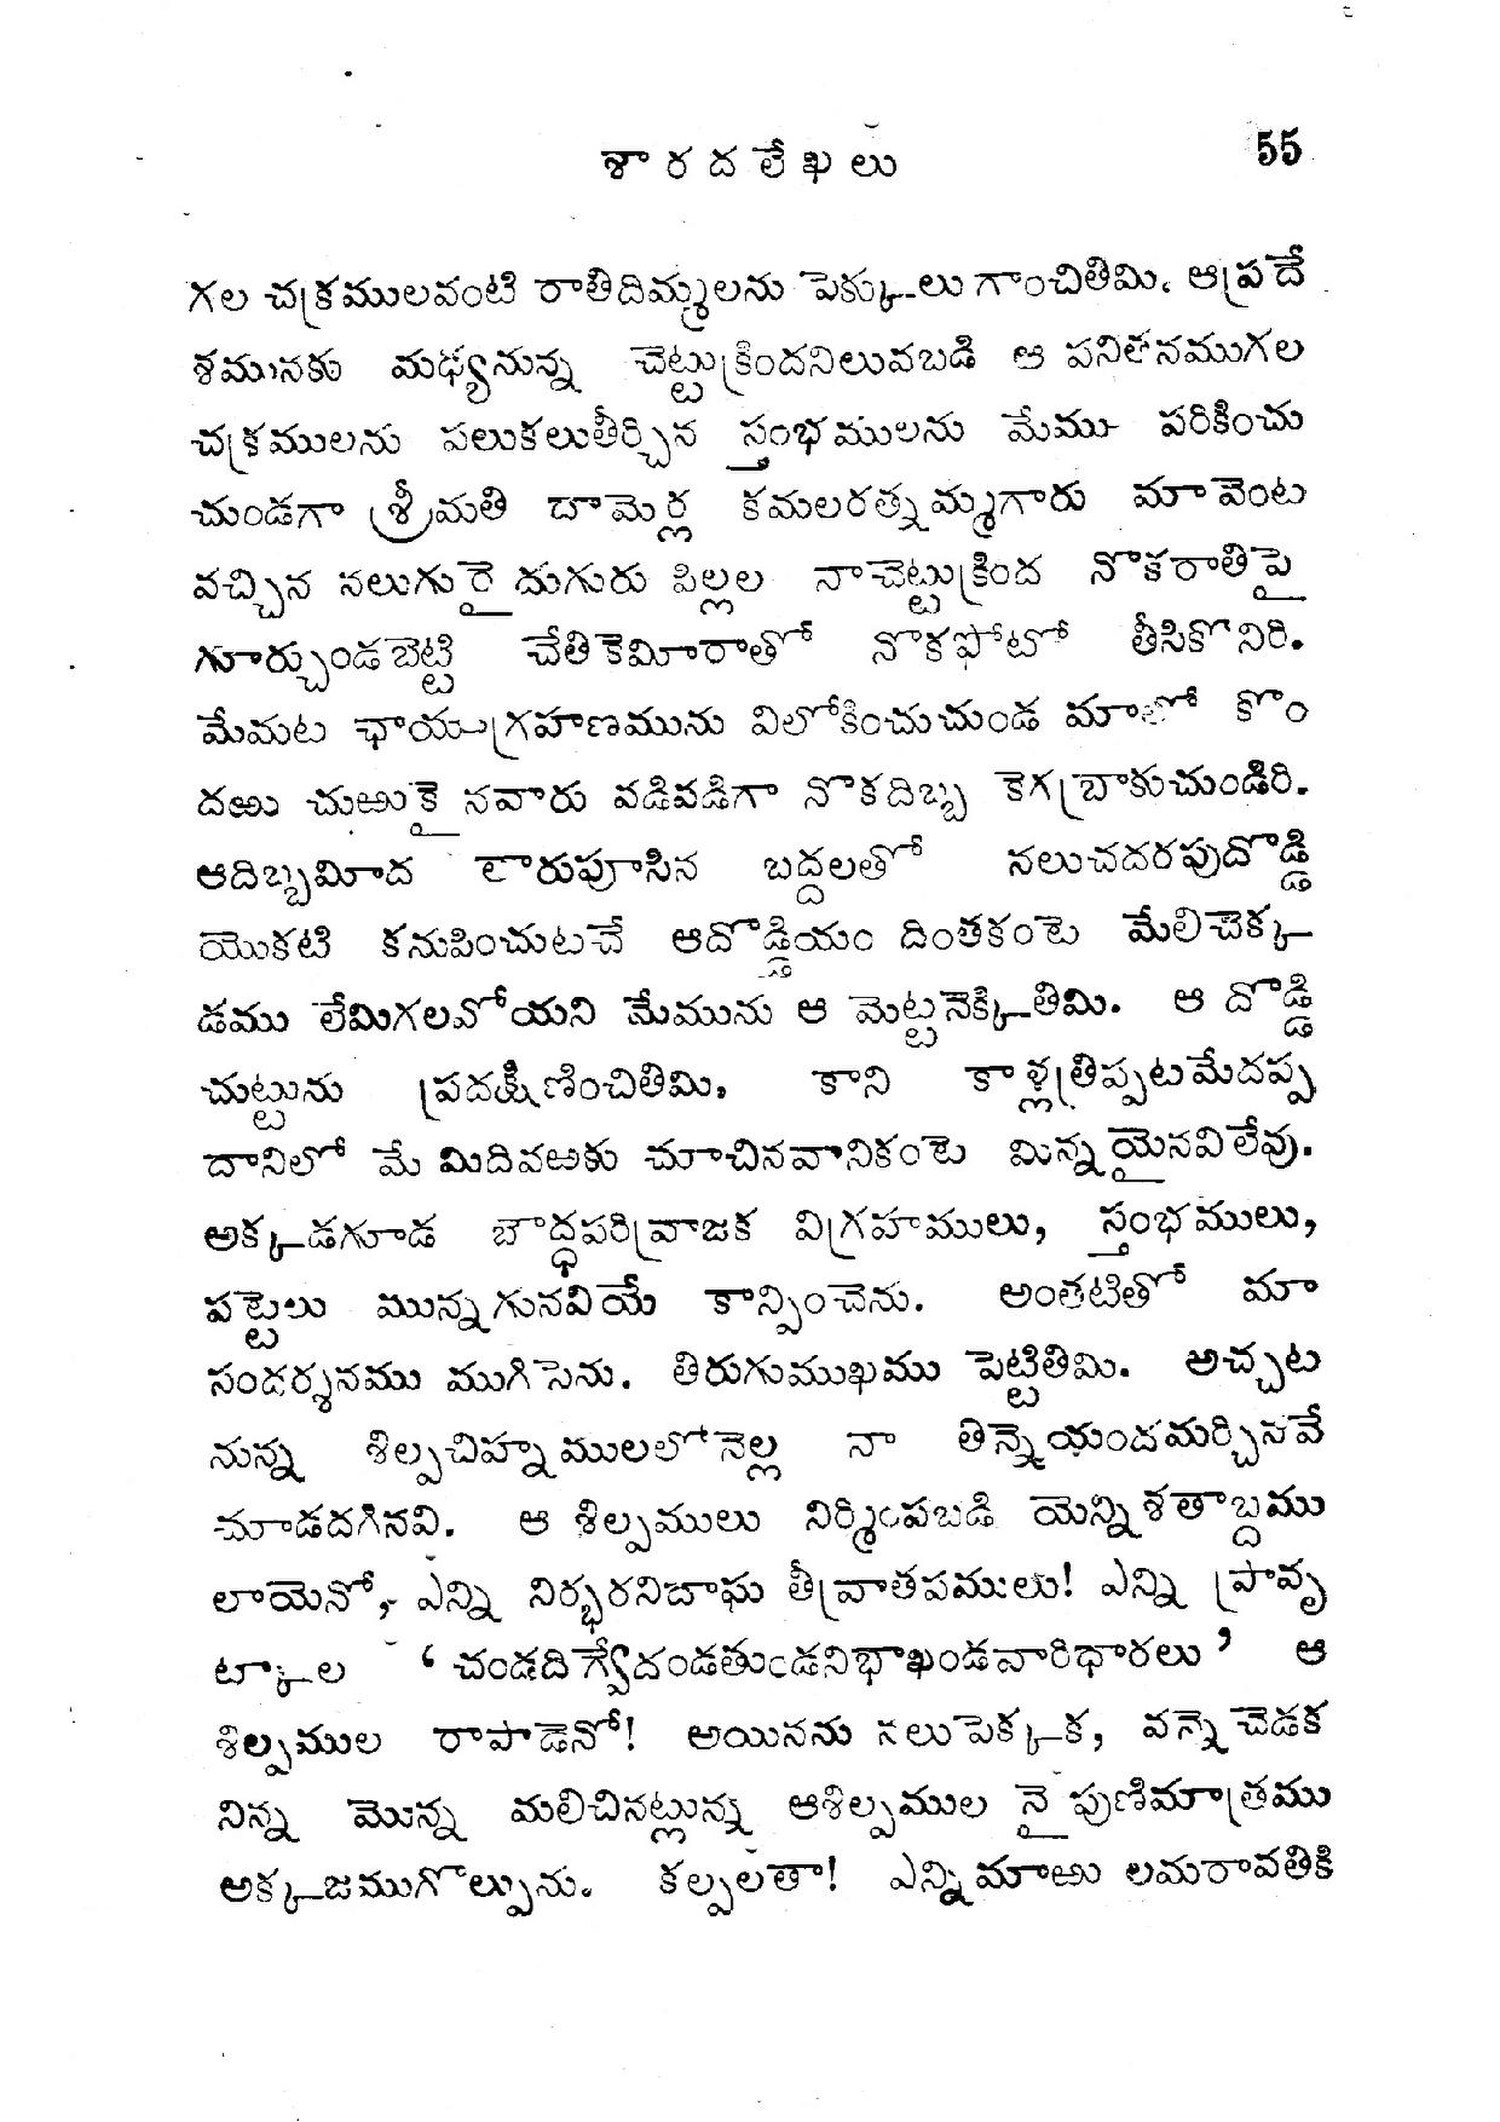గల చక్రములవంటి రాతిదిమ్మలను పెక్కులు గాంచితిమి. ఆప్రదే
శమునకు మధ్యనున్న చెట్టు క్రింద నిలువబడి ఆ పనితనముగల
చక్రములను పలుకలుతీర్చిన స్తంభములను మేము పరికించు
చుండగా శ్రీమతి దామెర్ల కమలరత్నమ్మగారు మా వెంట
వచ్చిన నలుగురైదుగురు పిల్లల నా చెట్టుక్రింద నొకరాతి పై
గూర్చుండ బెట్టి చేతి కెమీరాతో నొకఫోటో తీసికొనిరి.
మేమట ఛాయుగ్రహణమును విలోకించుచుండ మాలో కొం
దఱు చుఱుకై నవారు వడివడిగా నొకదిబ్బ కెగబ్రాకుచుండిరి.
ఆదిబ్బమీద తారుపూసిన బద్దలతో నలు చదరపుదొడ్డి
యొకటి కనుపించుటచే ఆదొడ్డియం దింతకంటె మేలిచెక్క
డము లేమిగలవోయని మేమును ఆ మెట్టనెక్కి తిమి. ఆ దొడ్డి
చుట్టును ప్రదక్షిణించితిమి, కాని కాళ్లత్రిప్పటమేదప్ప
దానిలో మే మిదివఱకు చూచినవానికంటె మిన్న యైనవి లేవు.
అక్కడగూడ బౌద్ధ పరివ్రాజక విగ్రహములు, స్తంభములు,
పట్టెలు మున్నగునవియే కాన్పించెను. అంతటితో మా
సందర్శనము ముగిసెను. తిరుగుముఖము పెట్టితిమి. అచ్చట
నున్న శిల్పచిహ్నములలో నెల్ల నా తిన్నెయంద మర్చిసి వే
చూడదగినవి. ఆ శిల్పములు నిర్మింపబడి యెన్ని శతాబ్దము
లాయెనో, ఎన్ని నిర్భరనిదాఘ తీవ్రాతపములు! ఎన్ని ప్రావృ
ట్కాల 'చండది గ్వేదండతుండనిభాఖండ వారిధారలు ' ఆ
శిల్పములు రాపాడెనో! అయినను నలుపెక్కక, వన్నె చెడక
నిన్న మొన్న మలిచినట్లున్న ఆశిల్పములు నై పుణిమాత్రము
అక్కజముగొల్పును. కల్పలతా! ఎన్ని మాఱు లమరావతికి